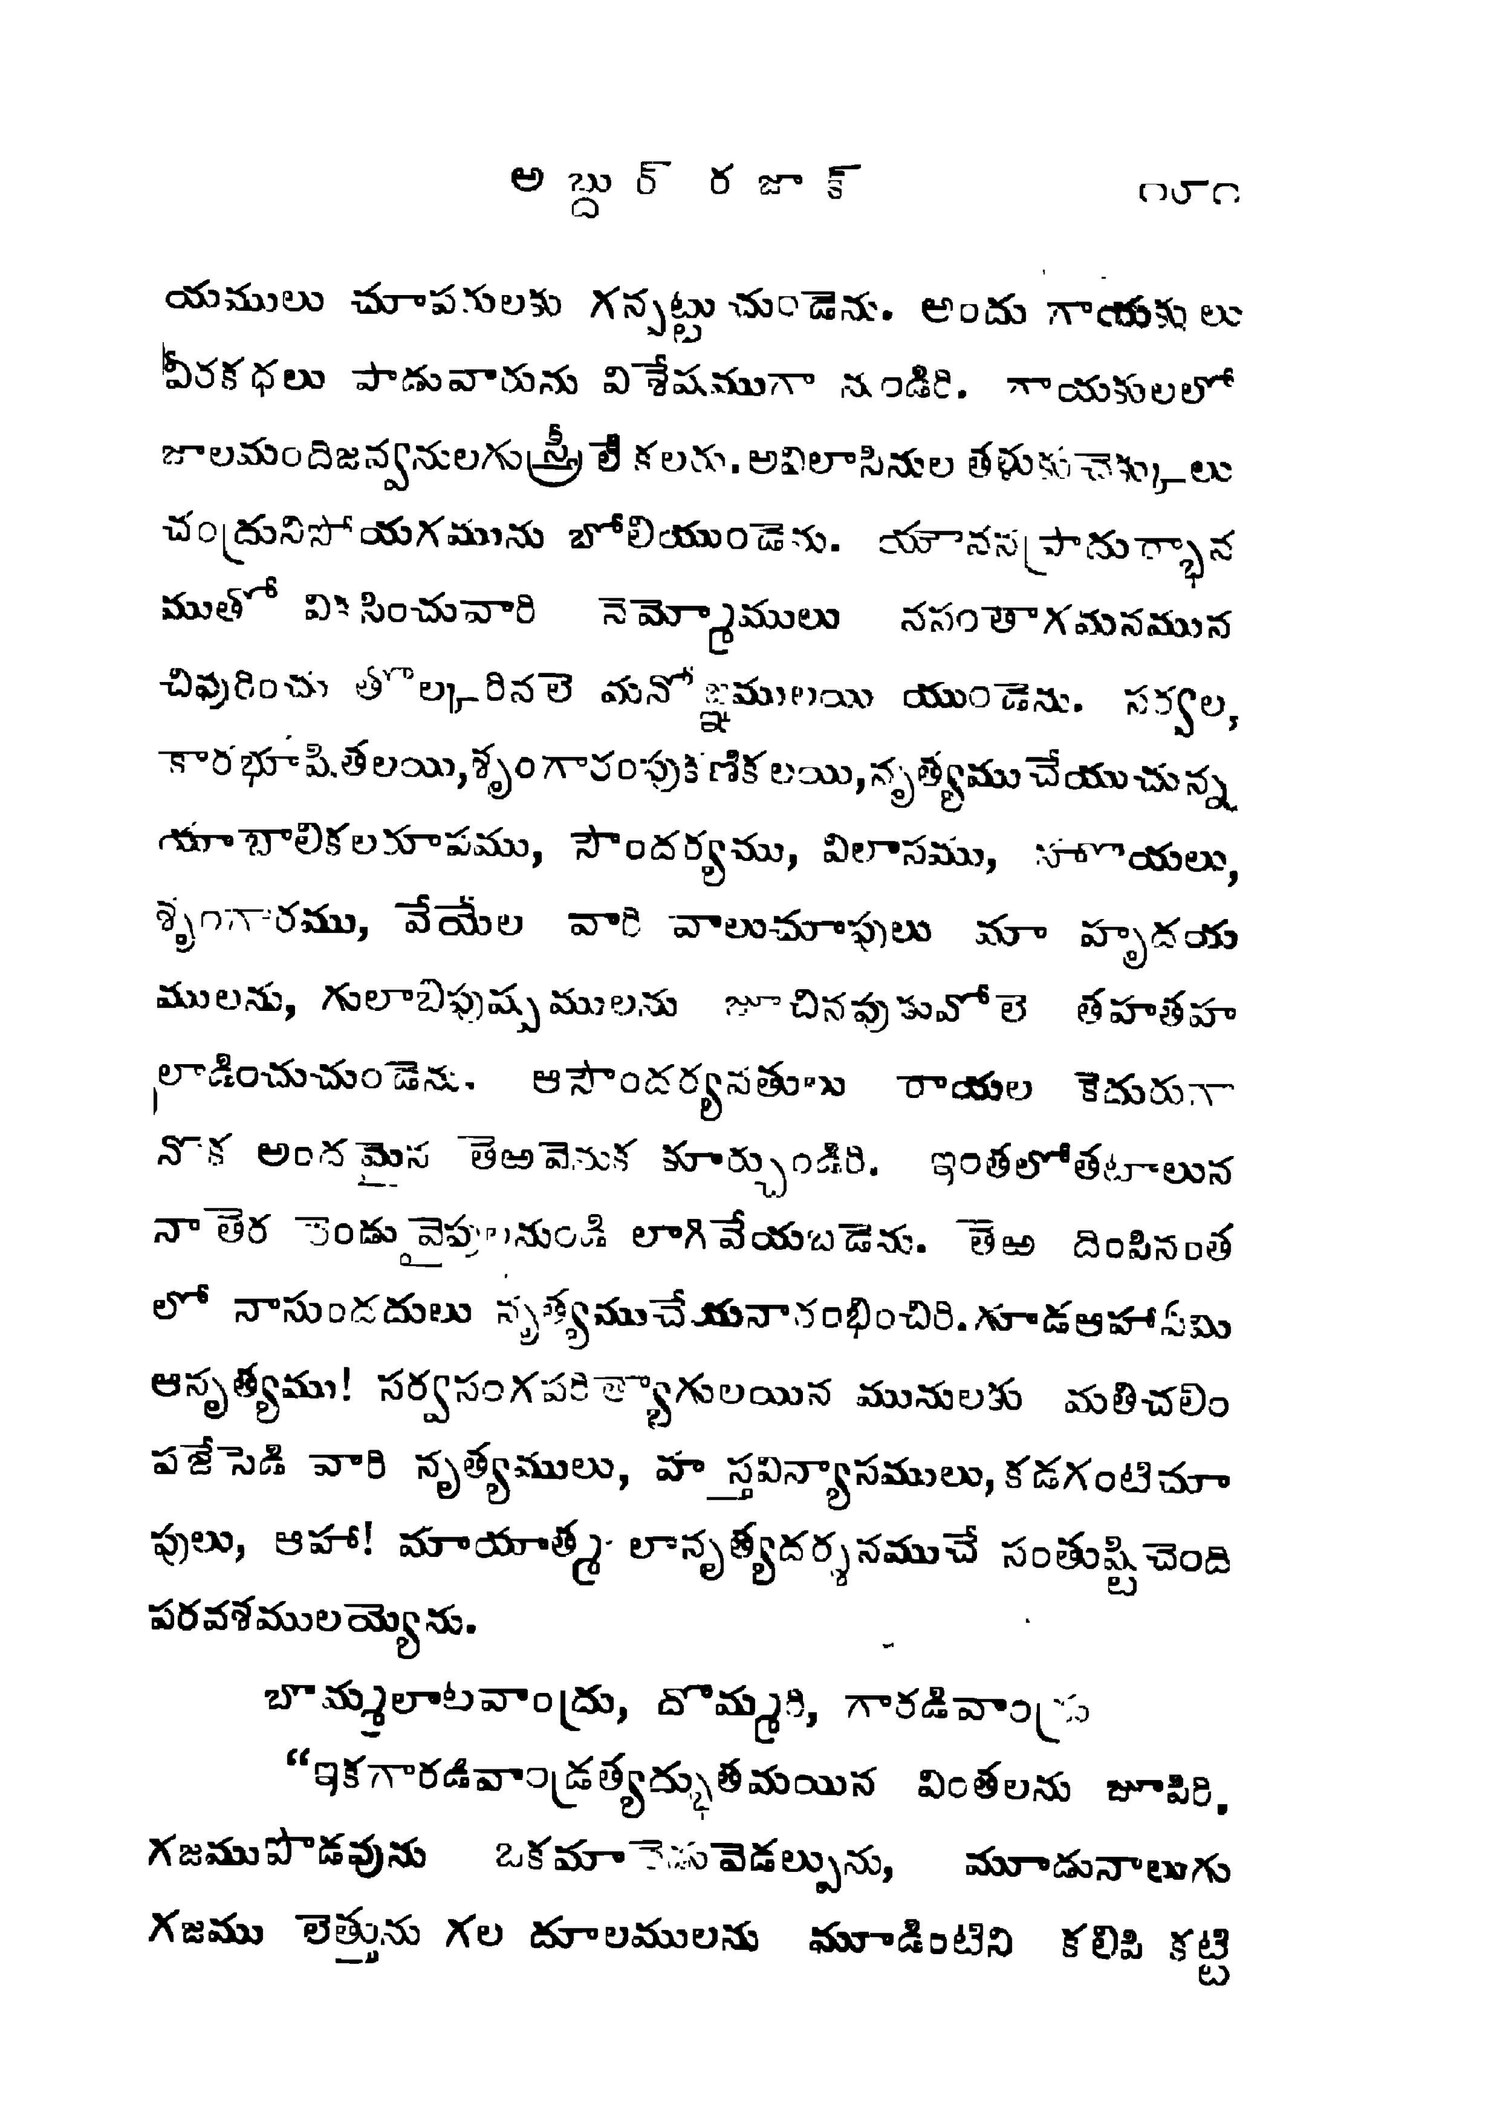యములు చూపరులకు గన్పట్టుచుండెను. అందు గాయకులు వీరకధలు పాడువారును విశేషముగా నుండిరి. గాయకులలో జాలమంది జవ్వనులగు స్త్రీలే కలరు. అవిలాసినుల తళుకు చెక్కులు చంద్రునిసోయగమును బోలియుండెను. యౌవనప్రాదుర్భానముతో వికసించువారి నెమ్మోములు వసంతాగమనమున చివురించు తొల్కరివలె మనోజ్ఞములయి యుండెను. సర్వల, కారభూషితలయి, శృంగారంపు కణికలయి, నృత్యము చేయుచున్న యా బాలికల రూపము, సౌందర్యము, విలాసము, హొయలు, శృంగారము, వేయేల వారి వాలుచూపులు మా హృదయములను, గులాబి పుష్పములను జూచినపుడువోలె తహతహలాడించు చుండెను. ఆసౌందర్యవతులు రాయల కెదురుగా నొక అందమైన తెఱవెనుక కూర్చుండిరి. ఇంతలో తటాలున నాతెర రెండువైపులనుండి లాగివేయబడెను. తెఱ దింపినంతలో నాసుందరులు నృత్యముచేయ నారంభించిరి. చూడ ఆహాఏమి ఆనృత్యము! సర్వసంగపరి త్యాగులయిన మునులకు మతిచలింపజేసెడి వారి నృత్యములు, హస్తవిన్యాసములు, కడగంటిచూపులు, ఆహా! మాయాత్మ లానృత్యదర్శనముచే సంతుష్టిచెంది పరవశములయ్యెను.

"ఇక గారడివాండ్రత్యద్భుతమయిన వింతలను జూపిరి. గజము పొడవును ఒకమారెడు వెడల్పును, మూడునాలుగు గజము లెత్తును గల దూలములను మూడింటిని కలిపి కట్టి